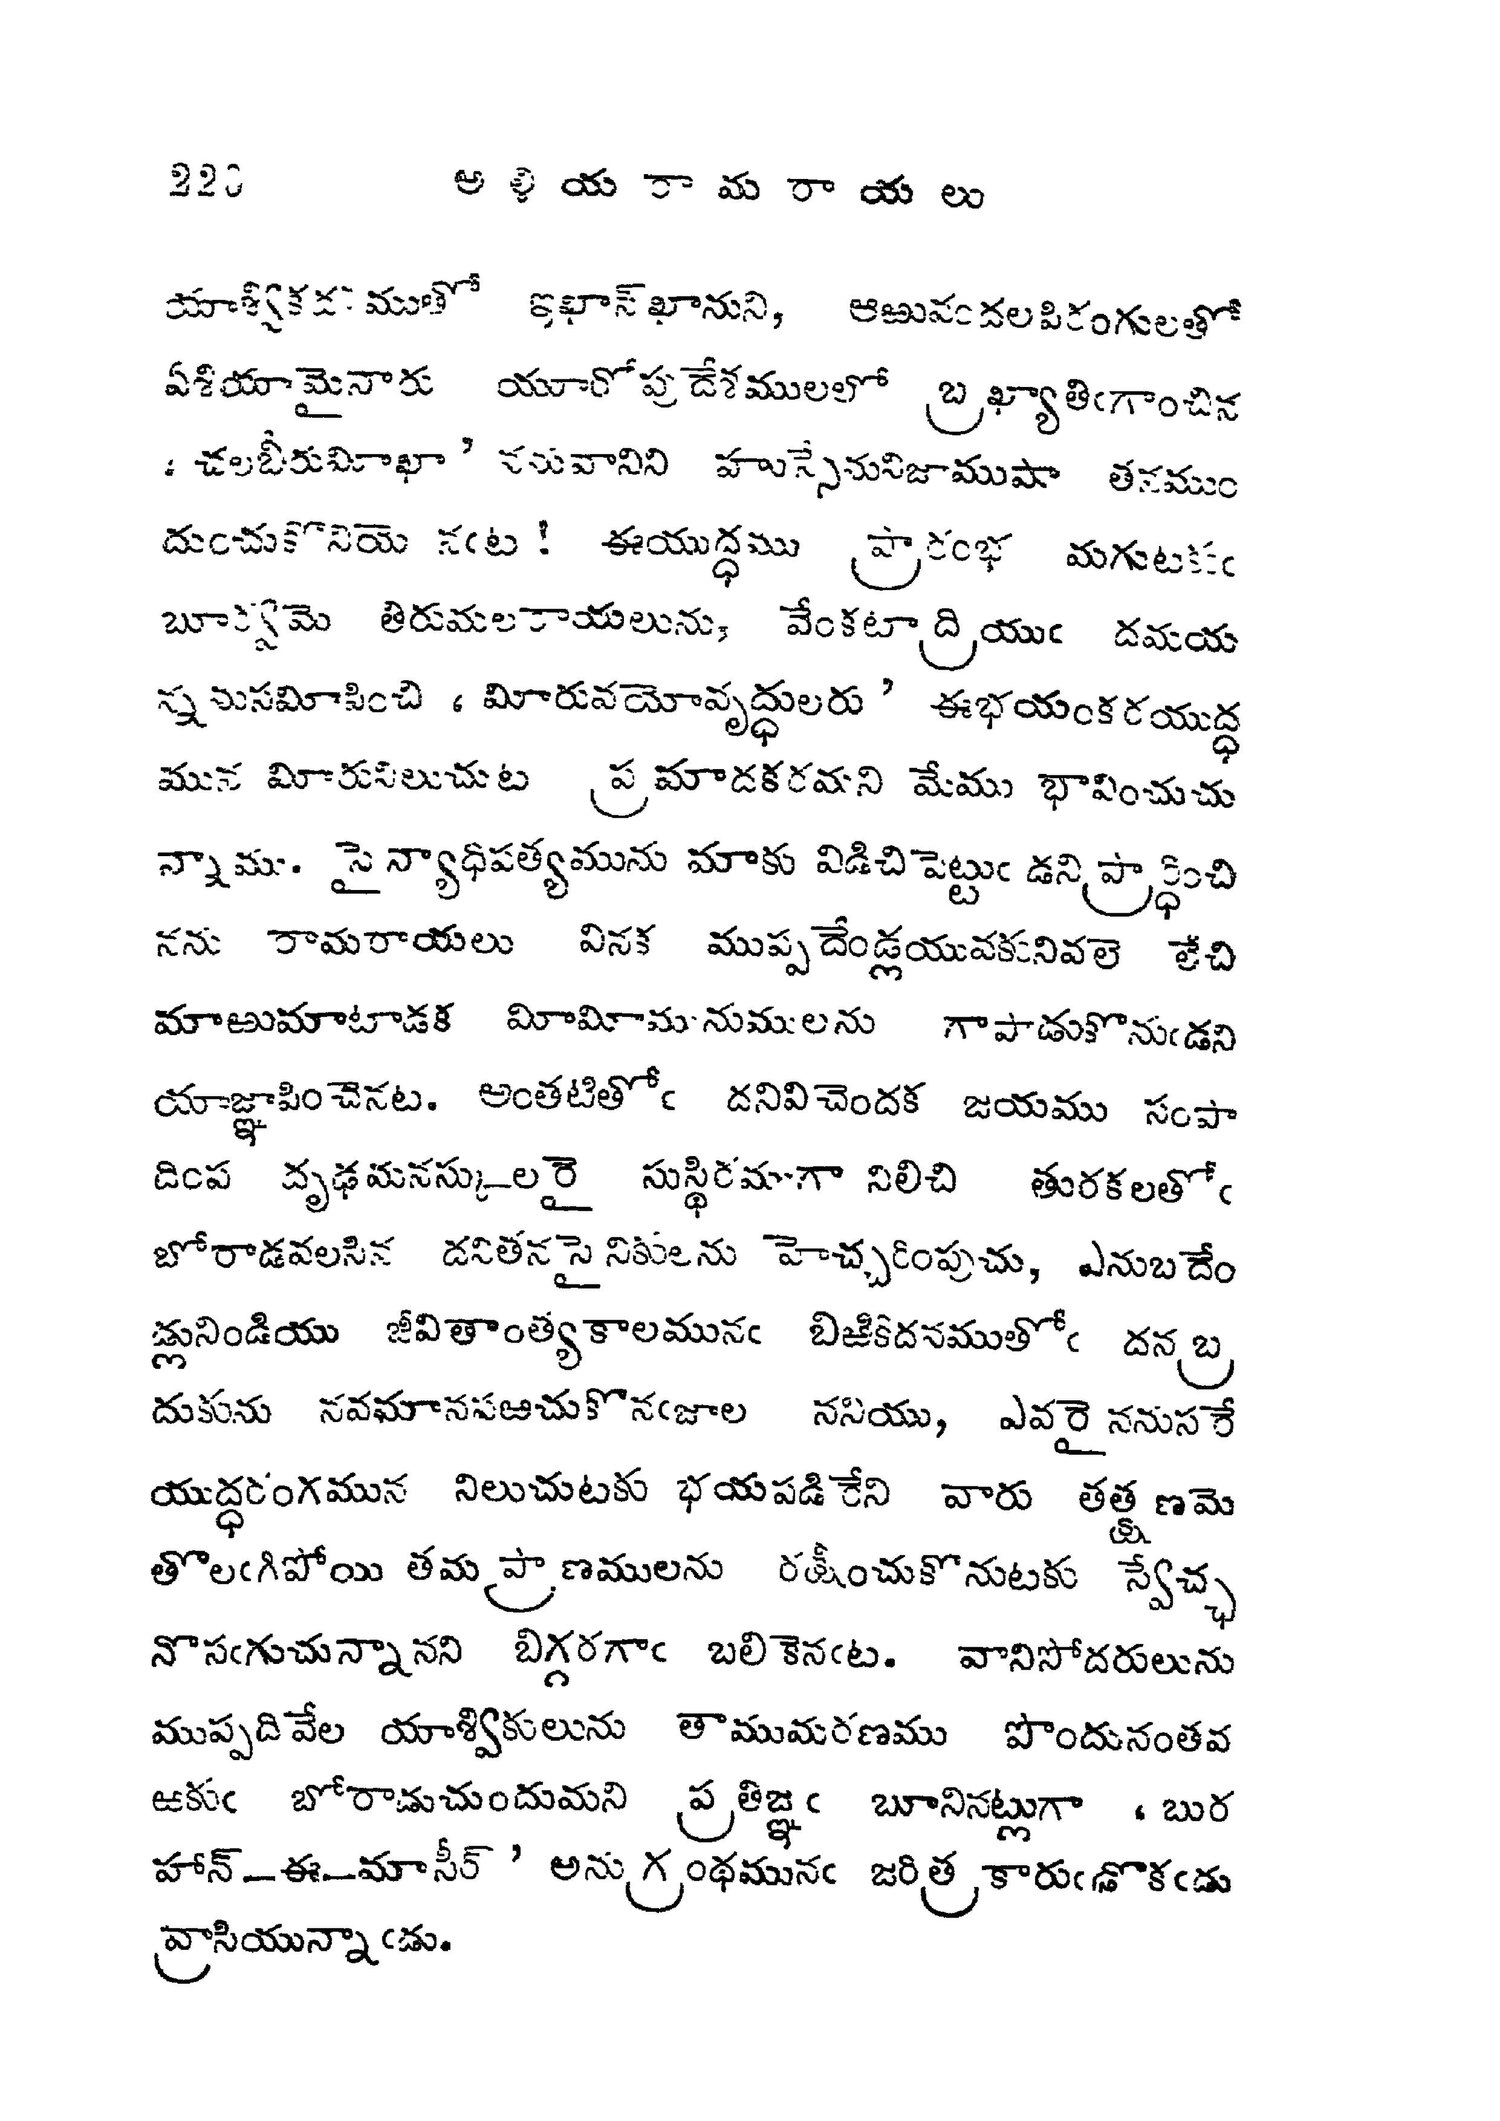యాశ్వికదళముతో ఇభాన్‌ఖానుని, ఆఱువందలఫిరంగులతో ఏశియామైనారు యూరోపదేశములలో బ్రఖ్యాతిగాంచిన 'చలబీరుమీఖా' ననువానిని హుస్సేనునిజాముషా తనముందుంచుకొనియె నట ! ఈయుద్ధము ప్రారంభ మగుటకు బూర్వమె తిరుమలరాయలును, వేంకటాద్రియు దమయన్నను సమీపించి 'మీరువయోవృద్ధులరు' ఈభయంకరయుద్ధమున మీరునిలుచుట ప్రమాదకరమని మేము భావించుచున్నాము. సైన్యాధిపత్యమును మాకు విడిచిపెట్టుడని ప్రార్థించినను రామరాయలు వినక ముప్పదేండ్లయువకునివలె లేచి మాఱుమాటాడక మీమీమునుములను గాపాడుకొనుడని యాజ్ఞాపించెనట. అంతటితో దనివిచెందక జయము సంపాదింప దృడమనస్కులరై సుస్థిరముగా నిలిచి తురకలతో బోరాడవలసిన దనితనసైనికులను హెచ్చరింపుచు, ఎనుబదేండ్లునిండియు జీవితాంత్యకాలమున బిఱికిదనముతో దనబ్రదుకును నవమానపఱచుకొనజాల ననియు, ఎవరైనను సరే యుద్ధరంగమున నిలుచుటకు భయపడిరేని వారు తత్క్షణమె తొలగిపోయి తమప్రాణములను రక్షించుకొనుటకు స్వేచ్ఛ నొసగుచున్నానని బిగ్గరగా బలికెనట. వానిసోదరులును ముప్పదివేల యాశ్వికులును తాముమరణము పొందునంతవఱకు బోరాడుచుందుమని ప్రతిజ్ఞ బూనినట్లుగా 'బురహాన్ - ఈ - మాసీర్‌' అనుగ్రంథమున జరిత్రకారుడొకడు వ్రాసియున్నాడు.